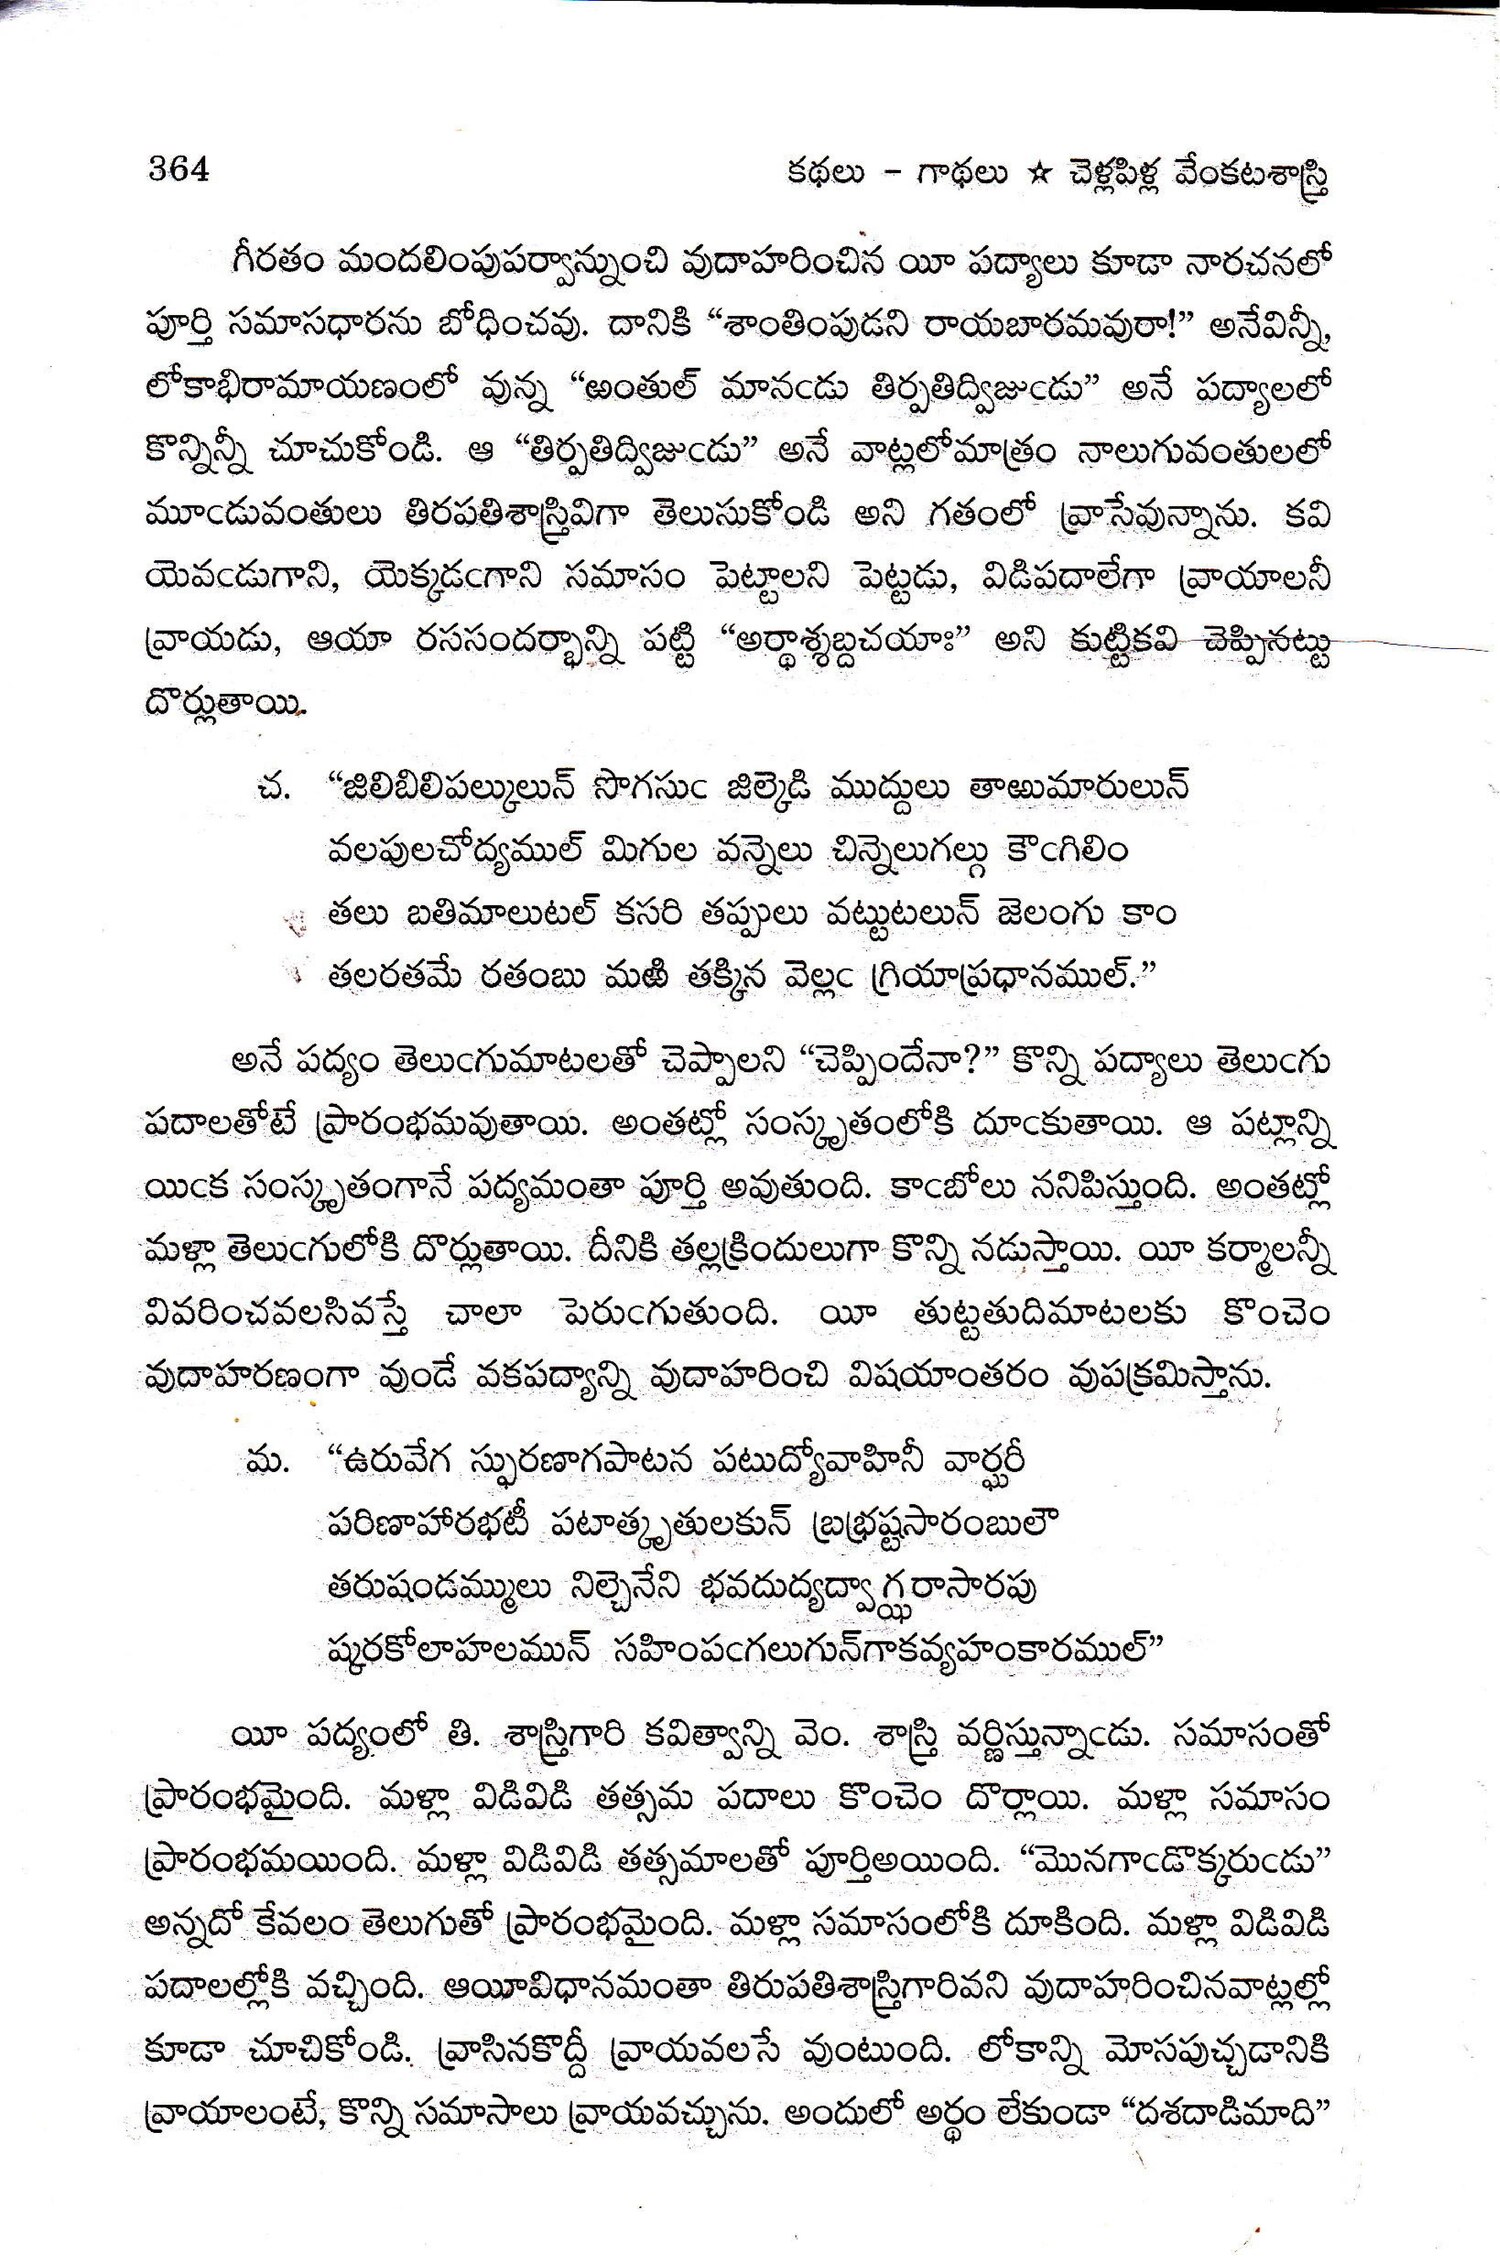గీరతం మందలింపుపర్వాన్నుంచి వుదాహరించిన యీ పద్యాలు కూడా నారచనలో పూర్తి సమాసధారను బోధించవు. దానికి “శాంతింపుడని రాయబారమవురా!" అనేవిన్నీ లోకాభిరామాయణంలో వున్న "ఱంతుల్ మానఁడు తిర్పతిద్విజుఁడు" అనే పద్యాలలో కొన్నిన్నీ చూచుకోండి. ఆ “తిర్పతిద్విజుఁడు" అనే వాట్లలోమాత్రం నాలుగువంతులలో మూఁడువంతులు తిరపతిశాస్త్రివిగా తెలుసుకోండి అని గతంలో వ్రాసేవున్నాను. కవి యెవఁడుగాని, యెక్కడఁగాని సమాసం పెట్టాలని పెట్టడు, విడిపదాలేగా వ్రాయాలనీ వ్రాయడు, ఆయా రససందర్భాన్ని పట్టి "అర్ధాశ్శబ్దచయా" అని కుట్టికవి చెప్పినట్టు దొర్లుతాయి.

చ. "జిలిబిలిపల్కులున్ సొగసుc జిల్కెడి ముద్దులు తాఱుమారులున్ 
 వలపులచోద్యముల్ మిగుల వన్నెలు చిన్నెలుగల్గు కౌఁగిలిం 
 తలు బతిమాలుటల్ కసరి తప్పులు వట్టుటలున్ జెలంగు కాం
 తలరతమే రతంబు మఱి తక్కిన వెల్లఁ గ్రియాప్రధానముల్."
అనే పద్యం తెలుఁగుమాటలతో చెప్పాలని “చెప్పిందేనా?” కొన్ని పద్యాలు తెలుఁగు పదాలతోటే ప్రారంభమవుతాయి. అంతట్లో సంస్కృతంలోకి దూఁకుతాయి. ఆ పట్లాన్ని యిఁక సంస్కృతంగానే పద్యమంతా పూర్తి అవుతుంది. కాఁబోలు ననిపిస్తుంది. అంతట్లో మళ్లా తెలుఁగులోకి దొర్లుతాయి. దీనికి తల్లక్రిందులుగా కొన్ని నడుస్తాయి. యీ కర్మాలన్నీ వివరించవలసివస్తే చాలా పెరుఁగుతుంది. యీ తుట్టతుదిమాటలకు కొంచెం వుదాహరణంగా వుండే వకపద్యాన్ని వుదాహరించి విషయాంతరం వుపక్రమిస్తాను.

మ. "ఉరువేగ స్ఫురణాగపాటన పటుద్యోవాహినీ వార్ఘరీ
 పరిణాహారభటీ పటాత్కృతులకున్ బ్రభ్రష్టసారంబులౌ 
 తరుషండమ్ములు నిల్చెనేని భవదుద్యద్వాగ్ఘరాసారపు 
 ష్కరకోలాహలమున్ సహింపఁగలుగున్‌గాకవ్యహంకారముల్
యీ పద్యంలో తి. శాస్త్రిగారి కవిత్వాన్ని వెం. శాస్త్రి వర్ణిస్తున్నాడు. సమాసంతో ప్రారంభమైంది. మళ్లా విడివిడి తత్సమ పదాలు కొంచెం దొర్లాయి. మళ్లా సమాసం ప్రారంభమయింది. మళ్లా విడివిడి తత్సమాలతో పూర్తిఅయింది. “మొనగాఁడొక్కరుఁడు" అన్నదో కేవలం తెలుగుతో ప్రారంభమైంది. మళ్లా సమాసంలోకి దూకింది. మళ్లా విడివిడి పదాలల్లోకి వచ్చింది. ఆయీవిధానమంతా తిరుపతిశాస్త్రిగారివని వుదాహరించినవాట్లల్లో కూడా చూచికోండి. వ్రాసినకొద్దీ వ్రాయవలసే వుంటుంది. లోకాన్ని మోసపుచ్చడానికి వ్రాయాలంటే, కొన్నిసమాసాలు వ్రాయవచ్చును. అందులో అర్థం లేకుండా "దశదాడిమాది"